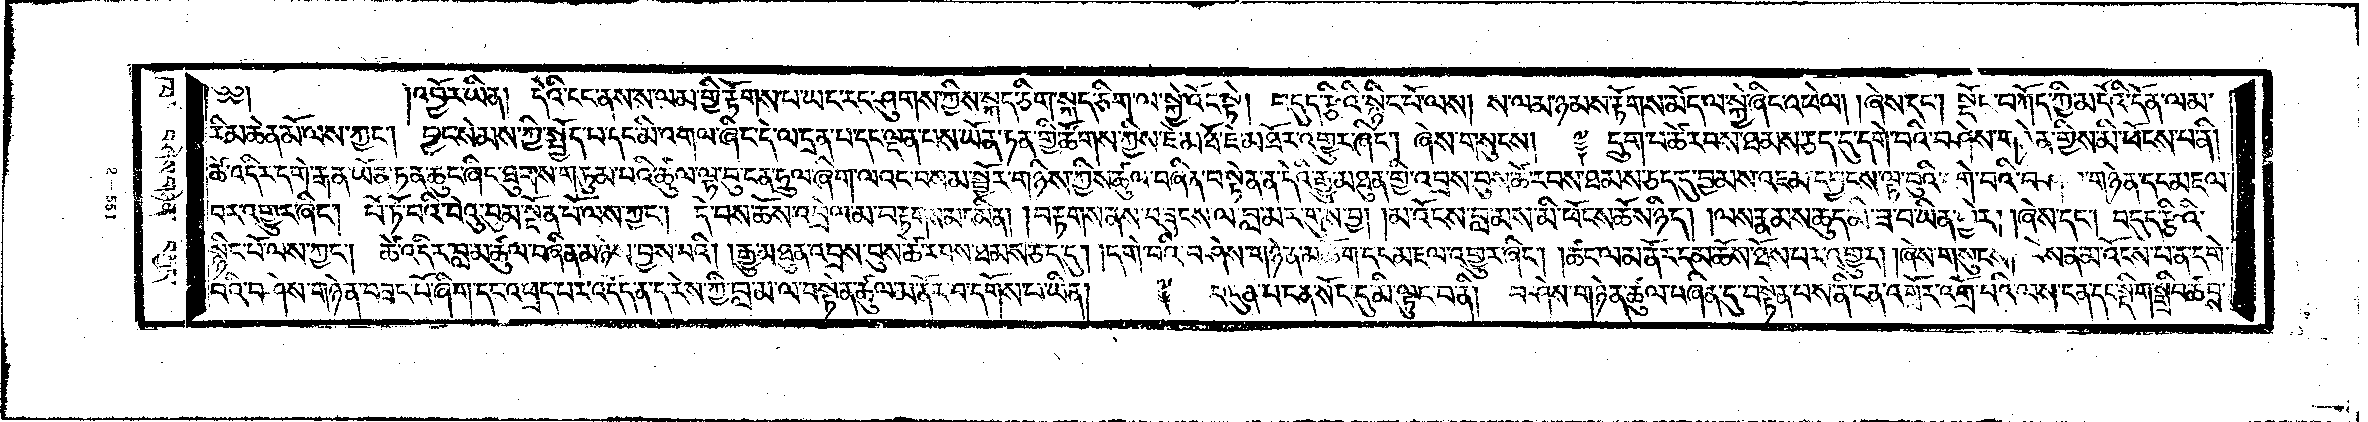༄༅། །འབྱོར་ཡིན། དེའི་ངང་ནས་ས་ལམ་གྱི་རྟོགས་པ་ཡང་རང་ཤུགས་ཀྱིས་སྐད་ཅིག་སྐད་ཅིག་ལ་སྐྱེ་འོང་སྟེ། བདུད་རྩིའི་སྙིང་པོ་ལས། ས་ལམ་ཉམས་རྟོགས་མོད་ལ་སྐྱེ་ཞིང་འཕེལ། །ཞེས་དང་། སྡོང་བཀོད་ཀྱི་མདོའི་དོན་ལམ་
རིམ་ཆེན་མོ་ལས་ཀྱང་། བྱང་སེམས་ཀྱི་སྤྱོད་པ་དང་མི་འགལ་ཞིང་དེ་ལ་དྲན་པ་དང་ལྡན་པས་ཡོན་ཏན་གྱི་ཚོགས་ཀྱིས་ཇེ་མཐོ་ཇེ་མཐོར་འགྱུར་ཞིང་། ཞེས་གསུངས། ༈ དྲུག་པ་ཚེ་རབས་ཐམས་ཅད་དུ་དགེ་བའི་བཤེས་གཉེན་གྱིས་མི་ཕོངས་པ་ནི།
ཚེ་འདིར་དགེ་རྒན་ཡོན་ཏན་ཆུང་ཞིང་ཐུགས་གཏུམ་པའི་ཚུལ་ལྟ་བུ་ངན་ཧྲུལ་ཞིག་ལའང་བསམ་སྦྱོར་གཉིས་ཀྱིས་ཚུལ་བཞིན་བསྟེན་ན་དེའི་རྒྱུ་མཐུན་གྱི་འབྲས་བུས་ཚེ་རབས་ཐམས་ཅད་དུ་བྱམས་འཇམ་དབྱངས་ལྟ་བུའི་དགེ་བའི་བཤེས་གཉེན་དང་མཇལ་
བར་འགྱུར་ཞིང་། པོ་ཏོ་བའི་བིའུ་བུམ་སྔོན་པོ་ལས་ཀྱང་། དེ་བས་ཆོས་འབྲེལ་མ་བརྟགས་མང་མིན། །བརྟགས་ནས་བཟུངས་ལ་བླ་མར་གུས་བྱ། །མ་འོངས་བླ་མས་མི་ཕོངས་ཆོས་ཉིད། །ལས་རྣམས་ཆུད་མི་ཟ་བ་ཡིན་ཕྱིར། །ཞེས་དང་། བདུད་རྩིའི་
སྙིང་པོ་ལས་ཀྱང་། ཚེ་འདིར་བླ་མ་ཚུལ་བཞིན་མཉེས་བྱས་པའི། །རྒྱུ་མཐུན་འབྲས་བུས་ཚེ་རབས་ཐམས་ཅད་དུ། །དགེ་བའི་བཤེས་གཉེན་མཆོག་དང་མཇལ་འགྱུར་ཞིང་། །ཚང་ལམ་ནོར་དམ་ཆོས་ཐོས་པར་འགྱུར། །ཞེས་གསུངས། དེས་ན་མ་འོངས་པ་ན་དགེ་
བའི་བཤེས་གཉེན་བཟང་པོ་ཞིག་དང་འཕྲད་པར་འདོད་ན་ད་རེས་ཀྱི་བླ་མ་ལ་བསྟེན་ཚུལ་མནོར་བ་དགོས་པ་ཡིན། ༈ བདུན་པ་ངན་སོང་དུ་མི་ལྟུང་བ་ནི། བཤེས་གཉེན་ཚུལ་བཞིན་དུ་བསྟེན་པས་ནི་ངན་འགྲོར་འགྲོ་བའི་ལས་ངན་དང་སྡིག་སྒྲིབ་ཚབས་